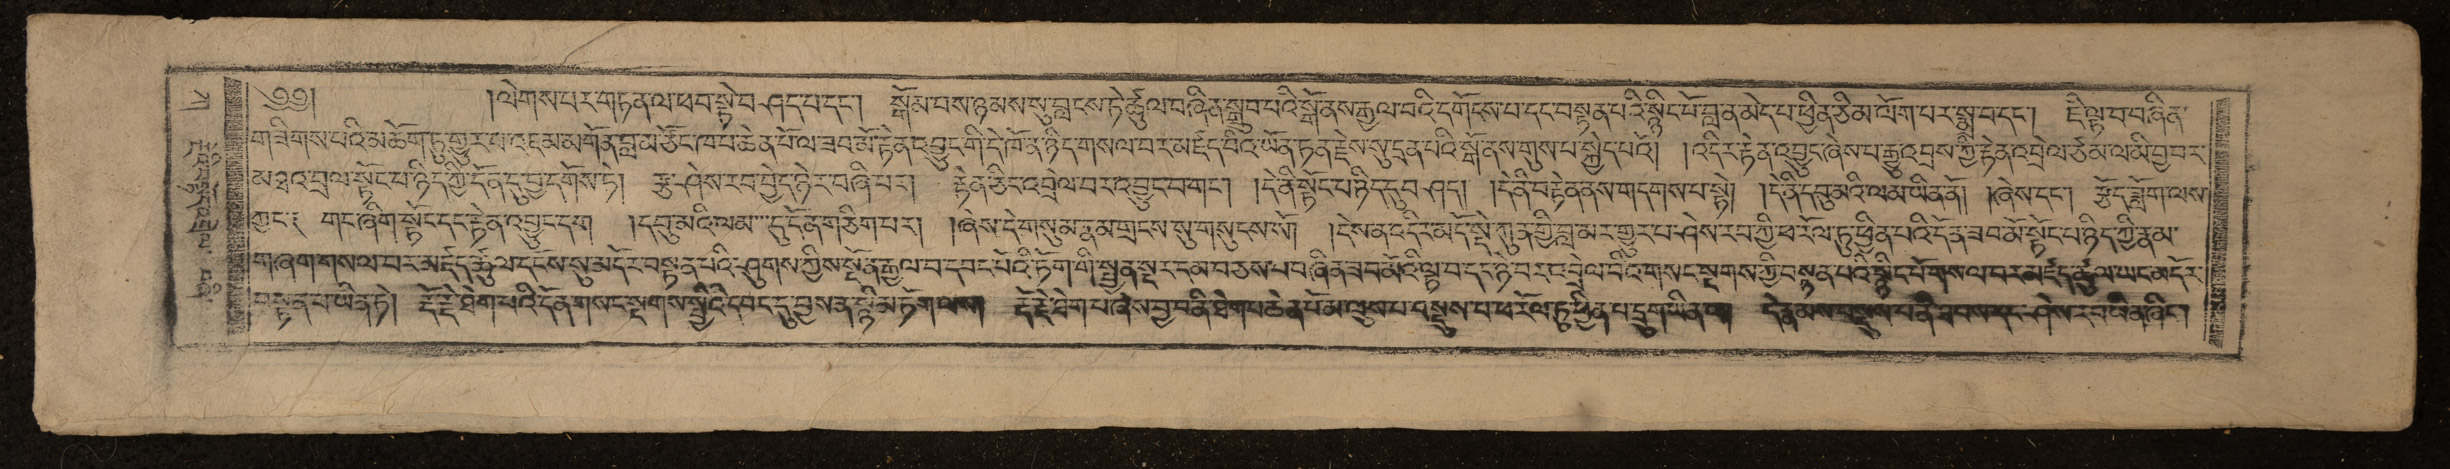༄༅། །ལེགས་པར་གཏན་ལ་ཕབ་སྟེ་བཤད་པ་དང་། སྒོམ་པས་ཉམས་སུ་བླངས་ཏེ་ཚུལ་བཞིན་སྒྲུབ་པའི་སྒོ་ནས་རྒྱལ་བའི་དགོངས་བ་དང་བསྟན་པའི་སྙིང་བོ་བླ་ན་མེད་པ་ཕྱིན་ཅི་མ་ལོག་པར་སྒྲུབ་དང་། ཇི་ལྟ་བ་བཞིན་
གཟིགས་པའི་མཆོག་ཏུ་གྱུར་པ་འཇམ་མགོན་བླ་མ་ཙོང་ཁ་པ་ཆེན་པོ་ལ་ཟབ་མོ་རྟེན་འབྱུང་གི་དེ་ཁོ་ན་ཉིད་གསལ་པར་མཛད་པའི་ཡོན་ཏན་རྗེས་སུ་དྲན་པའི་སྒོ་ནས་གུས་པ་སྐྱེད་པའོ། །འདིར་རྟེན་འབྱུང་ཞེས་པ་རྒྱུ་འབྲས་ཀྱི་རྟེན་འབྲེལ་ཙམ་ལ་མི་བྱ་བར་
མཐའ་བྲལ་སྟོང་པ་ཉིད་ཀྱི་དོན་དུ་བྱ་དགོས་ཏེ། རྩ་ཤེས་རབ་བྱེད་ཉེར་བཞི་པར། རྟེན་ཅིང་འབྲེལ་པར་འབྱུང་བ་གང་། །དེ་ནི་སྟོང་པ་ཉིད་དུ་བཤད། །དེ་ནི་བརྟེན་ནས་གདགས་པ་སྟེ། །དེ་ནི་དབུ་མའི་ལམ་ཡིན་ནོ། །ཞེས་དང་། རྩོད་ཟློག་ལས་
ཀྱང༑ གང་ཞིག་སྟོང་དང་རྟེན་འབྱུང་དག །དབུ་མའི་ལམ་དུ་དོན་གཅིག་པར། །ཞེས་དེ་གསུམ་རྣམ་གྲངས་སུ་གསུངས་སོ། །དེས་ན་འདིར་མདོ་སྡེ་ཀུན་གྱི་བླ་མར་གྱུར་པ་ཤེས་རབ་ཀྱི་ཕ་རོལ་ཏུ་ཕྱིན་པའི་དོན་ཟབ་མོ་སྟོང་པ་ཉིད་ཀྱི་རྣམ་
གཞག་གསལ་བར་མཛད་ཚུལ་དངོས་སུ་མདོར་བསྟན་པའི་ཤུགས་ཀྱིས་སྔོན་རྒྱལ་བ་དབང་པོའི་ཏོག་གི་སྤྱན་སྔར་དམ་བཅས་བ་བཞིན་ཟབ་མོའི་ལྟ་བ་དང་ཉེ་བར་འབྲེལ་བའི་གསང་སྔགས་ཀྱི་བསྟན་པའི་སྙིང་པོ་གསལ་བར་མཛད་ཚུལ་ཡང་མདོར་
བསྟན་པ་ཡིན་ཏེ། རྡོ་རྗེ་ཐེག་བའི་དོན་གསང་སྔགས་སྤྱིའི་དབང་དུ་བྱས་ན་སྙིམ་ཏོག་ལས། རྡོ་རྗེ་ཐེག་པ་ཞེས་བྱ་བ་ནི་ཐེག་པ་ཆེན་པོ་མ་ལུས་བ་བསྡུས་པ་ཕ་རོལ་ཏུ་ཕྱིན་པ་དྲུག་ཡིན་ལ། དེ་རྣམས་བསྡུས་པ་ནི་ཐབས་དང་ཤེས་རབ་ཡིན་ཞིང་།